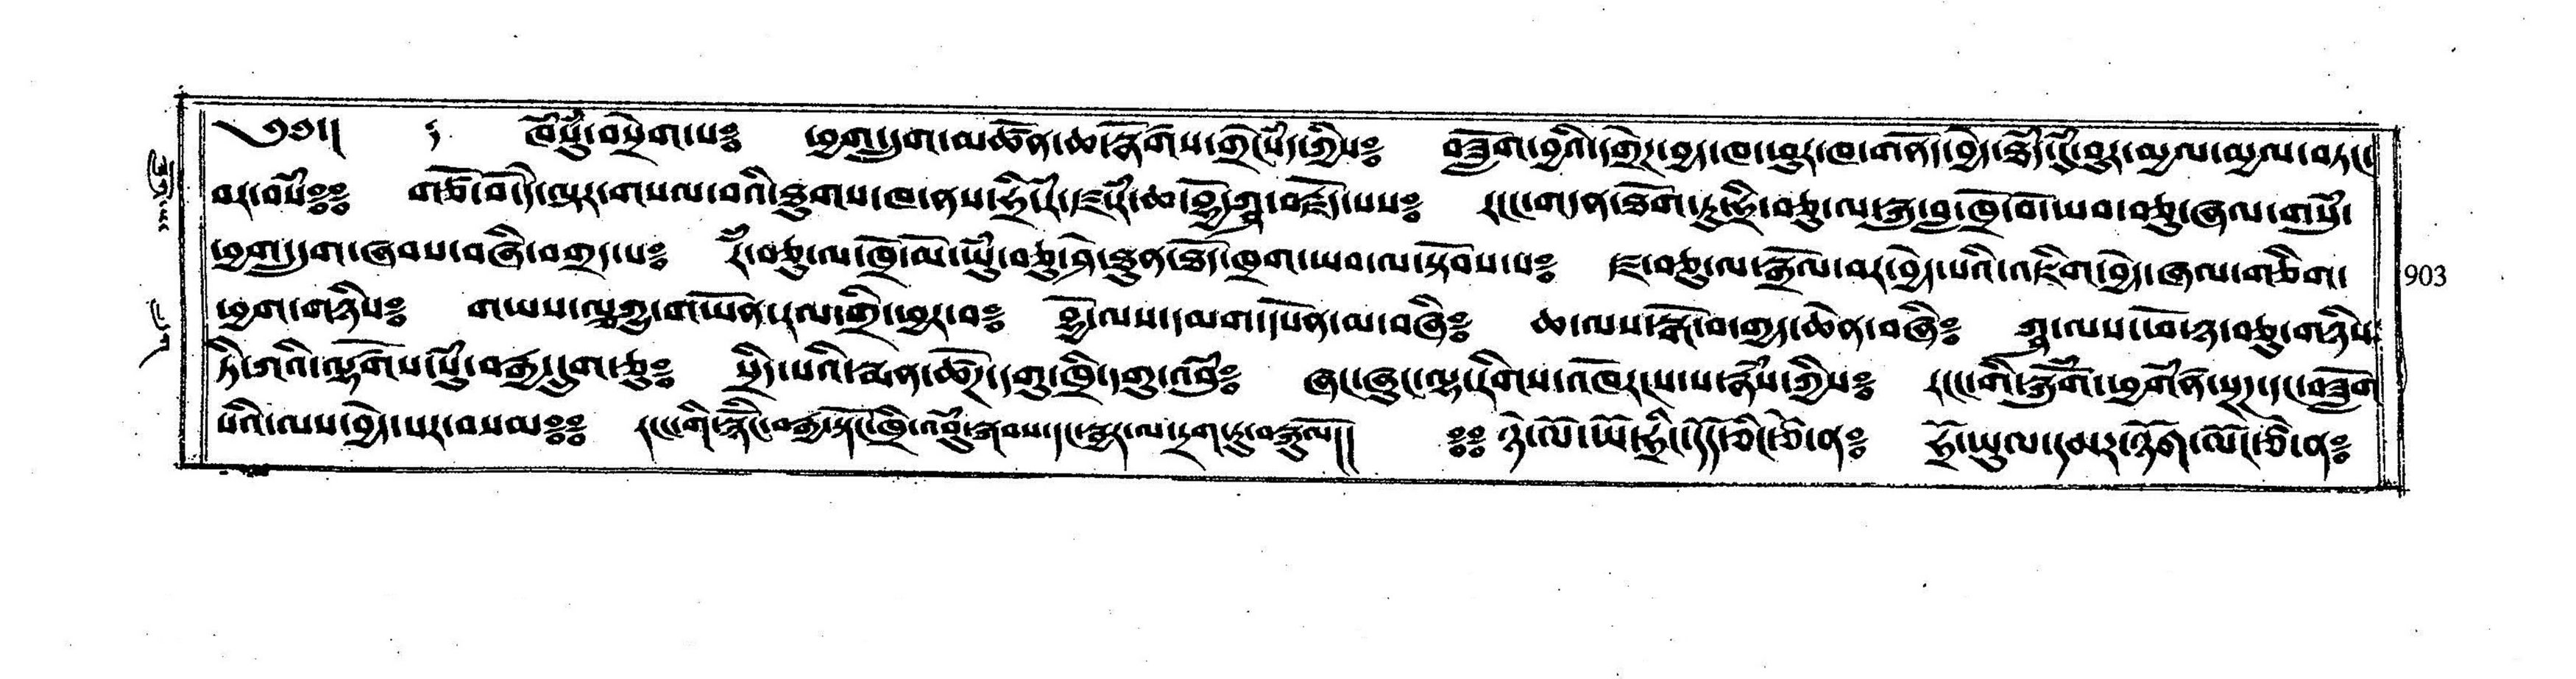ཁམས་གསུམ་བསྲེག་པ༔ ཕྱག་དྲུག་མཚོན་ཆ་སྣ་ཚོགས་གྲངས་མེད་ཀྱིས༔ བཟློག་བྱའི་དགྲ་བགེགས་བྱད་ཁ་ཕུར་ཁ་གནོད་བྱེད་ཐམས་ཅད་དུམ་བུར་མྱལ་མྱལ་བཏང་
བར་བསམ༔༔ གཙོ་བོ་དེ་ལྟར་གསལ་བའི་ཐུགས་ཁ་ནས་ཧྲི་རཾ་ཛ་རཾ་ཆ་བྷྱོ་ཀྴ་བརྗོད་པས༔ རང་རང་གདན་ཐོག་ཏུ་ཧྲི་བཅུ་ལ་སྐུ་བླ་ཁྲོ་བོ་ཡབ་བཅུ་ཞལ་གསུམ་
ཕྱག་དྲུག་ཞབས་བཞི་བགྲད་པ༔ རྃ་བཅུ་ལ་ཁྲོ་མོ་ཡུམ་བཅུ་ཤེ་ཐུན་ཐོད་ཁྲག་ཡབ་ལ་སྟོབས་པ༔ ཛ་བཅུ་ལ་སྒྲོལ་བར་བྱེད་པའི་འཇིག་བྱེད་ཞལ་གཅིག་
ཕྱག་གཉིས༔ གཡས་ལྕག་ཀྱུ་གཡོན་རལ་གྲི་ཕྱར་བ༔ བྷྱོ་ལས་དམག་དཔོན་མ་བཞི༔ ཆ་ལས་སྒོ་བ་གྱད་ཆེན་བཞི༔ ཀྴ་ལས་ཕོ་ཉ་བཅུ་གཉིས་
ཏི་ཀའི་ལྷ་ཚོགས་སུམ་བརྒྱ་དྲུག་ཅུ༔ སྲིད་པའི་སྨན་ཚོགས་དགུ་ཁྲི་དགུ་འབུམ༔ ཞང་ཞུང་ལྷ་རིགས་འཁོར་དང་བཅས་པ་རྣམས་ཀྱིས༔ རང་རང་གི་སྐུ་མདོག་ཕྱག་མཚན་སྔགས་དང་བཟློག་
པའི་ལས་བྱེད་པར་བསམ༔༔ རང་རང་གི་སྙིང་པོ་བརྒྱ་སྟོང་ཁྲི་འབུམ་སྐབས་དང་སྦྱར་ལ་དྲག་ཏུ་བསྐུལ་ལོ།། ༔༔ཉེ་ལོ་ཡོ་ཧྲིང་དོད་ཅིང་ཙེ་ན༔ ཧྲོ་ཡུལ་དམར་ཉོག་ལོང་ཙེ་ན༔